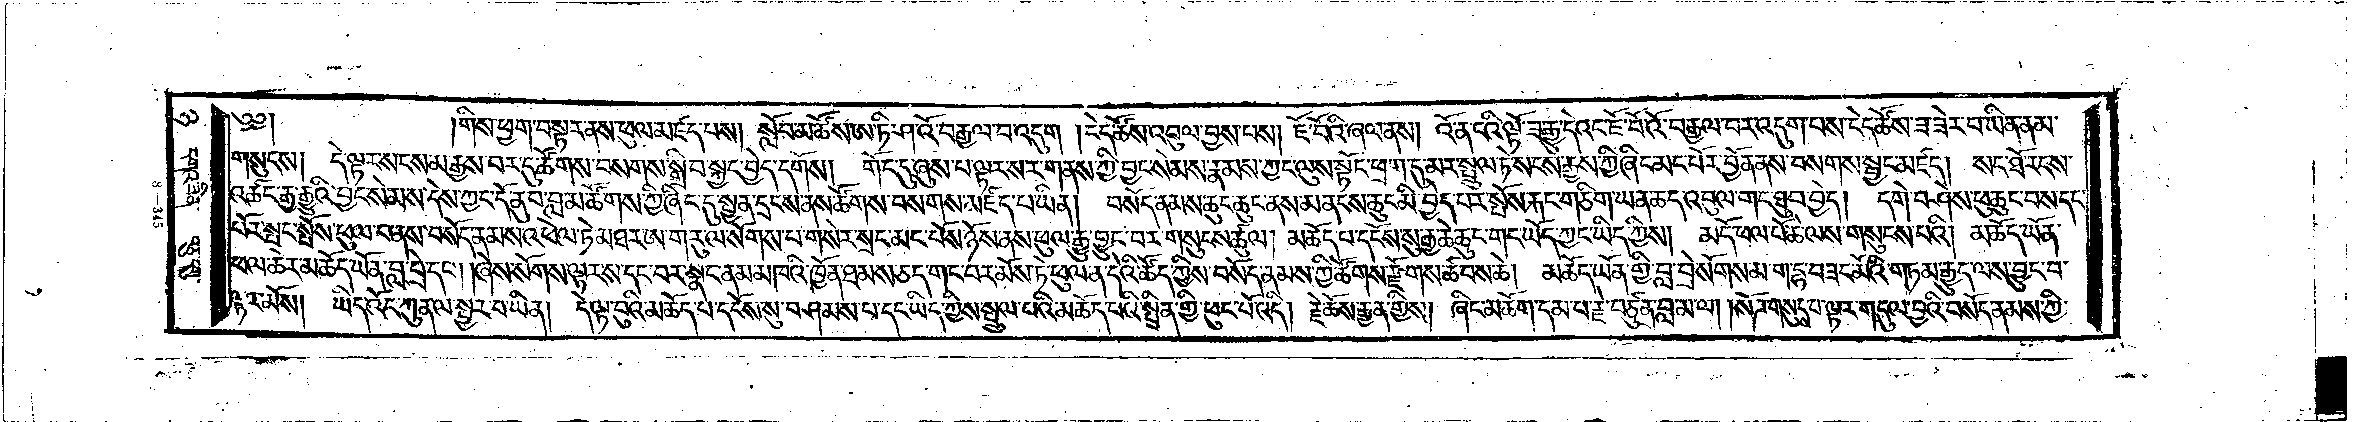༄༅། །གིས་ཕྱག་བསྟར་ནས་ཕུལ་མཛད་པས། སློབ་མ་ཚོས་ཨ་ཏི་ཤ་འོ་བརྒྱལ་བ་འདུག །ངེད་ཚོས་འབུལ་བྱས་པས། ཇོ་བོའི་ཞལ་ནས། འོ་ན་པའི་ལྟོ་ཟ་རྒྱུ་དེའང་ཇོ་བོ་འོ་བརྒྱལ་བར་འདུག་པས་ངེད་ཚོས་ཟ་ཟེར་བ་ཡིན་ནམ་
གསུངས། དེ་ལྟར་སངས་མ་རྒྱས་བར་དུ་ཚོགས་བསགས་སྒྲིབ་སྦྱང་བྱེད་དགོས། གོང་དུ་ཞུས་པ་ལྟར་སར་གནས་ཀྱི་བྱང་སེམས་རྣམས་ཀྱང་ལུས་སྟོང་ཕྲག་དུ་མར་སྤྲུལ་ཏེ་སངས་རྒྱས་ཀྱི་ཞིང་མང་པོར་བྱོན་ནས་བསགས་སྦྱང་མཛད། སང་ཐོ་རངས་
འཚང་རྒྱ་རྒྱུའི་བྱང་སེམས་དེས་ཀྱང་དོ་ནུབ་བླ་མ་ཚོགས་ཀྱི་ཞིང་དུ་སྤྱན་དྲངས་ནས་ཚོགས་བསགས་མཛད་པ་ཡིན། བསོད་ནམས་ཆུང་ཆུང་ནས་མནང་ས་ཆུང་མི་བྱེད་པར་སྤོས་རྐང་གཅིག་ཡན་ཆད་འབུལ་གང་ཐུབ་བྱེད། དགེ་བཤེས་ཕུ་ཆུང་བས་དང་
པོར་སྤང་སྤོས་ཕུལ་བ་ནས་བསོད་ནམས་འཕེལ་ཏེ་མཐར་ཨ་ག་རུ་ལ་སོགས་པ་གསེར་སྲང་མང་པོས་ཉོས་ནས་ཕུལ་རྒྱུ་བྱུང་བར་གསུངས་ཚུལ། མཆོད་པ་དངོས་སུ་རྒྱ་ཆེ་ཆུང་གང་ཡོད་ཀྱང་ཡིད་ཀྱིས། མདོ་ཕལ་པོ་ཆེ་ལས་གསུངས་པའི། མཆོད་ཡོན་
ཕལ་ཆེར་མཆོད་ཡོན་བླ་བྲེ་དང་། །ཞེས་སོགས་ལྟར་ས་དང་བར་སྣང་ནམ་མཁའི་ཁྱོན་ཐམས་ཅད་གང་བར་མོས་ཏེ་ཕུལ་ན་དེའི་ཚོད་ཀྱིས་བསོད་ནམས་ཀྱི་ཚོགས་རྫོགས་ཚབས་ཆེ། མཆོད་ཡོན་གྱི་བླ་བྲེ་སོགས་མ་ག་དྷ་བཟང་མོའི་གཏམ་རྒྱུད་ལས་བྱུང་བ་
ལྟར་མོས། ཡིད་འོང་ཀུན་ལ་སྦྱར་བ་ཡིན། དེ་ལྟ་བུའི་མཆོད་པ་དངོས་སུ་བཤམས་པ་དང་ཡིད་ཀྱིས་སྤྲུལ་པའི་མཆོད་པའི་སྤྲིན་གྱི་ཕུང་པོ་འདི། རྗེ་ཆོས་རྒྱན་གྱིས། ཞིང་མཆོག་དམ་པ་རྗེ་བཙུན་བླ་མ་ལ། །སོགས་གསུངས་པ་ལྟར་གདུལ་བྱའི་བསོད་ནམས་ཀྱི་